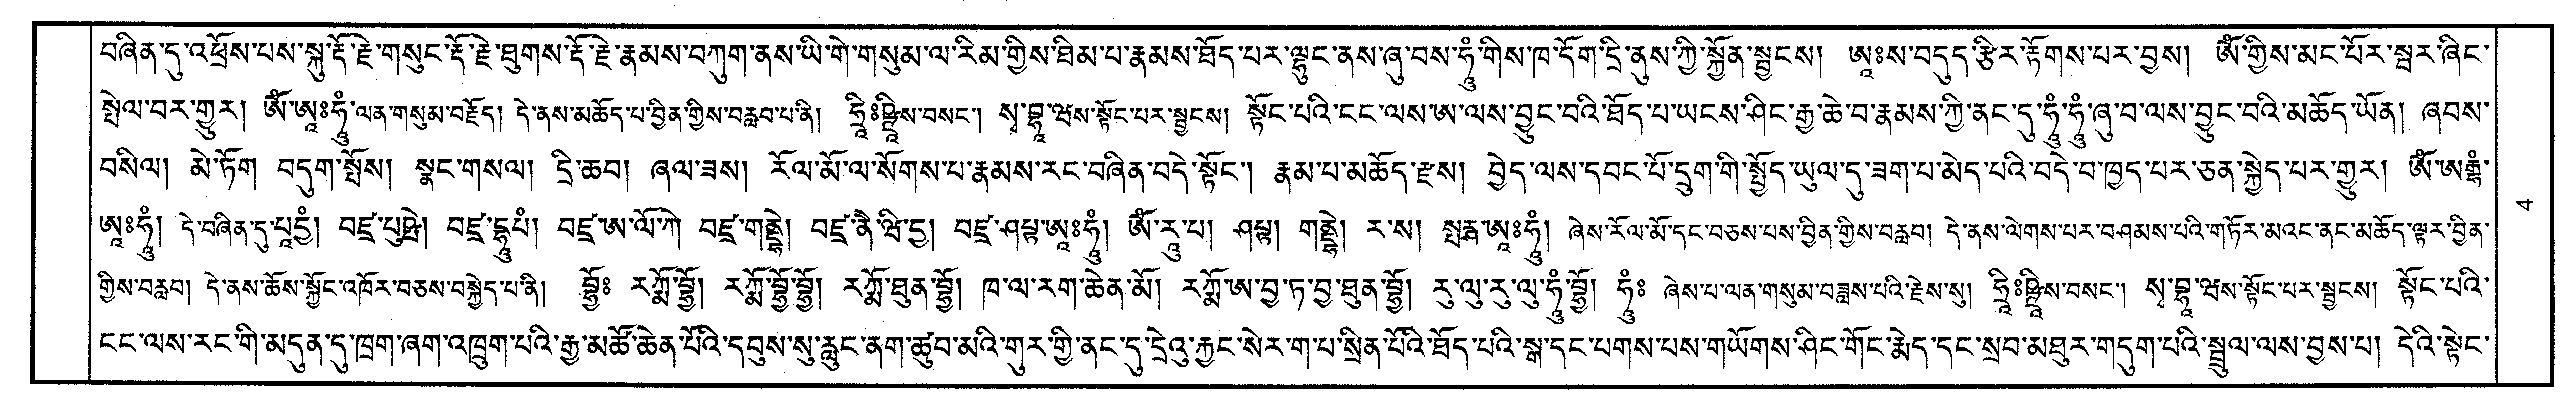བཞིན་དུ་འཕྲོས་པས་སྐུ་རྡོ་རྗེ་གསུང་རྡོ་རྗེ་ཐུགས་རྡོ་རྗེ་རྣམས་བཀུག་ནས་ཡི་གེ་གསུམ་ལ་རིམ་གྱིས་ཐིམ་པ་རྣམ་ཐོད་པར་ལྷུང་ནས་ཞུ་བས་ཧཱུཾ་གིས་ཁ་དོག་དྲི་ནུས་ཀྱི་སྐྱོན་སྦྱངས། ཨཱཿ ས་བདུད་རྩིར་རྟོགས་པར་བྱས། ཨོཾ་གྱིས་མང་པོར་སྦར་ཞིང་
སྤེལ་བར་གྱུར། ཨོཾ་ཨཱཿ ཧཱུཾ་ལན་གསུམ་བརྗོད། དེ་ནས་མཆོད་པ་བྱིན་གྱིས་བརླབ་པ་ནི། ཧྲཱིཿ ཥྚྲཱིས་བསངས། སྭཱ་བྷཱ་ཝས་སྟོང་པར་སྦྱངས། སྟོང་པའི་ངང་ལས་ཨ་ལས་བྱུང་བའི་ཐོད་པ་ཡངས་ཤིང་རྒྱ་ཆེ་བ་རྣམས་ཀྱི་ནང་དུ་ཧཱུཾ་ཧཱུཾ་ཞུ་བ་ལས་བྱུང་བའི་མཆོད་ཡོན། ཞབས་
བསིལ། མེ་ཏོག་བདུག་སྤོས། སྣང་གསལ། དྲི་ཆབ། ཞལ་ཟས། རོལ་མོ་ལ་སོགས་པ་རྣམས་རང་བཞིན་བདེ་སྟོང་། རྣམ་པ་མཆོད་རྫས། བྱེད་ལས་དང་པོ་དྲུག་གི་སྤྱོད་ཡུལ་དུ་ཟག་པ་མེད་པའི་བདེ་བ་ཁྱད་པར་ཅན་སྐྱེད་པར་གྱུར། ཨོཾ་ཨརྒྷཾ་
ཨཱཿ ཧཱུཾ། དེ་བཞིན་དུ་པཱདྱཾ། བཛྲ་དྷཱུཔཾ། བཛྲ་ཨ་ལོ་ཀེ་བཛྲ་གནྡྷེ། བཛྲ་ནཻ་ཝི་དྱ། བཛྲ་ཤཔྟ་ཨཱཿ ཧཱུཾ། ཨོཾ་རཱུ་པ། ཤཔྟ། གནྡྷེ། ར་ས། སྤརྴ་ཨཱཿ ཧཱུཾ། ཞེས་རོལ་མོ་དང་བཅས་པས་བྱིན་གྱིས་བརླབ། དེ་ནས་ལེགས་པར་བཤམས་པའི་གཏོར་མའང་ནང་མཆོད་ལྟར་བྱིན་
གྱིས་བརླབ། དེ་ནས་ཆོས་སྐྱོང་འཁོར་བཅས་བསྐྱེད་པ་ནི། བྷྱོཿ རཀྨོ་བྷྱོ། རཀྨོ་བྷྱོ་བྷྱོ། རཀྨོ་ཐུན་བྷྱོ། ཁ་ལ་རག་ཆེན་མོ། རཀྨོ་ཨ་བྱ་ཏ་བྱ་ཐུན་བྷྱོ། རུ་ལུ་རུ་ལུ་ཧཱུཾ་བྷྱོ། ཧཱུཾཿ ཞེས་པ་ལན་གསུམ་བཟླས་པའི་རྗེས་སུ། ཧྲཱིཿ ཥྚྲཱིས་བསང་། སྭཱ་བྷཱ་ཝས་སྟོང་པར་སྦྱངས། སྟོང་པའི་
ངང་ལས་རང་གི་མདུན་དུ་ཁྲག་ཞག་འཁྲུག་པའི་རྒྱ་མཚོ་ཆེན་པོའི་དབུས་སུ་རླུང་ནག་ཚུབ་མའི་གུར་གྱི་ནང་དུ་དྲེའུ་རྐྱང་སེར་ག་པ་སྲིན་པོའི་ཐོད་པའི་སྒ་དང་པགས་པས་གཡོགས་ཤིང་གོང་རྨེད་དང་སྲབ་མཐུར་གདུག་པའི་སྦྲུལ་ལས་བྱས་པ། དེའི་སྟེང་